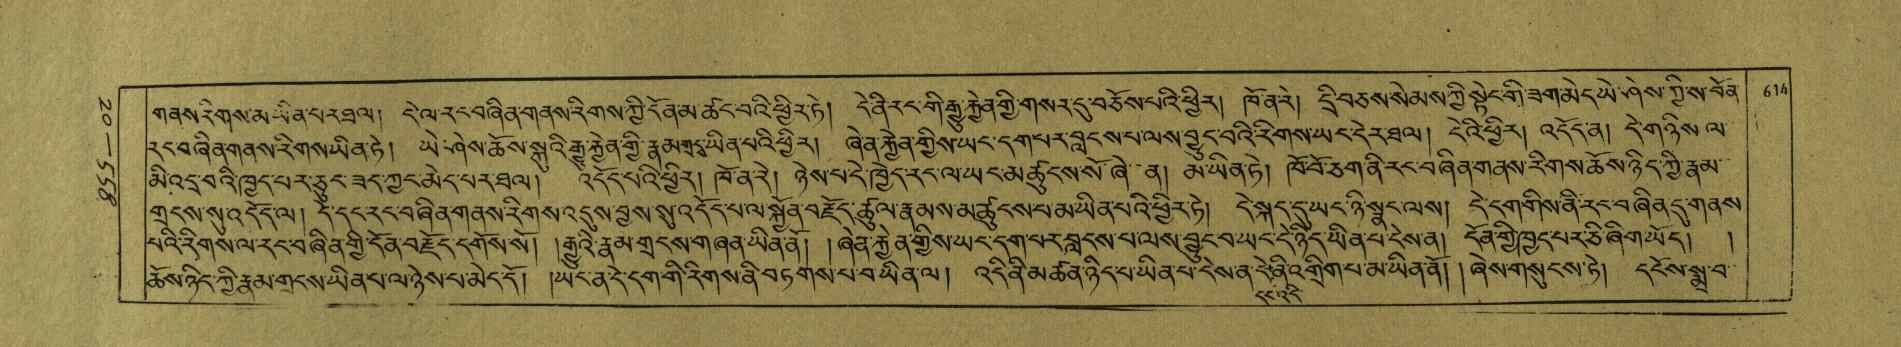གནས་རིགས་མ་ཡིན་པར་ཐལ། དེ་ལ་རང་བཞིན་གནས་རིགས་ཀྱི་དོན་མ་ཚང་བའི་ཕྱིར་ཏེ། དེ་ནི་རང་གི་རྒྱུ་རྐྱེན་གྱི་གསར་དུ་བཅོས་པའི་ཕྱིར། ཁོ་ན་རེ། དྲི་བཅས་སེམས་ཀྱི་སྟེང་གི་ཟག་མེད་ཡེ་ཤེས་ཀྱི་ས་བོན་
རང་བཞིན་གནས་རིགས་ཡིན་ཏེ། ཡེ་ཤེས་ཆོས་སྐུའི་རྒྱུ་རྐྱེན་གྱི་རྣམས་གྲངས་ཡིན་པའི་ཕྱིར། ཞེ་ན་རྐྱེན་གྱིས་ཡང་དག་པར་བླངས་པ་ལས་བྱུང་བའི་རིགས་ཡང་དེར་ཐལ། དེའི་ཕྱིར། འདོད་ན། དེ་གཉིས་ལ་
མི་འདྲ་བའི་ཁྱད་པར་ཅུང་ཟད་ཀྱང་མེད་པར་ཐལ། འདོད་པའི་ཕྱིར། ཁོ་ན་རེ། ཉེས་པ་དེ་ཁྱེད་རང་ལ་ཡང་མཚུངས་སོ་ཞེ་ན། མ་ཡིན་ཏེ། ཁོ་བོ་ཅག་ནི་རང་བཞིན་གནས་རིགས་ཆོས་ཉིད་ཀྱི་རྣམ་
གྲངས་སུ་འདོད་ལ། དེ་དང་རང་བཞིན་གནས་རིགས་འདུས་བྱས་སུ་འདོད་པ་ལ་སྐྱོན་བརྗོད་ཚུལ་རྣམས་མཚུངས་པ་མ་ཡིན་པའི་ཕྱིར་ཏེ། དེ་སྐད་དུ་ཡང་ཉི་སྣང་ལས། དེ་དག་གིས་ནི་རང་བཞིན་དུ་གནས་
པའི་རིགས་ལ་རང་བཞིན་གྱི་དོན་བརྗོད་དགོས་སོ། །རྒྱུའི་རྣམ་གྲངས་གཞན་ཡིན་ནོ། །ཞེན་རྐྱེན་གྱིས་ཡང་དག་པར་བླངས་པ་ལས་བྱུང་བ་ཡང་དེ་ཉིད་ཡིན་པ་ངེས་ན། དོན་གྱི་ཁྱད་པར་ཅི་ཞིག་ཡོད། །
ཆོས་ཉིད་ཀྱི་རྣམ་གྲངས་ཡིན་པ་ལ་ཉེས་པ་མེད་དོ། །ཡང་ན་དེ་དག་གི་རིགས་ནི་བཏགས་པ་བ་ཡིན་ལ། འདི་ནི་མཚན་ཉིད་པ་ཡིན་པ་དེས་ན་དེ་དང་འདི་ནི་འགྲིག་པ་མ་ཡིན་ནོ། །ཞེས་གསུངས་ཏེ། དངོས་སྨྲ་བ་